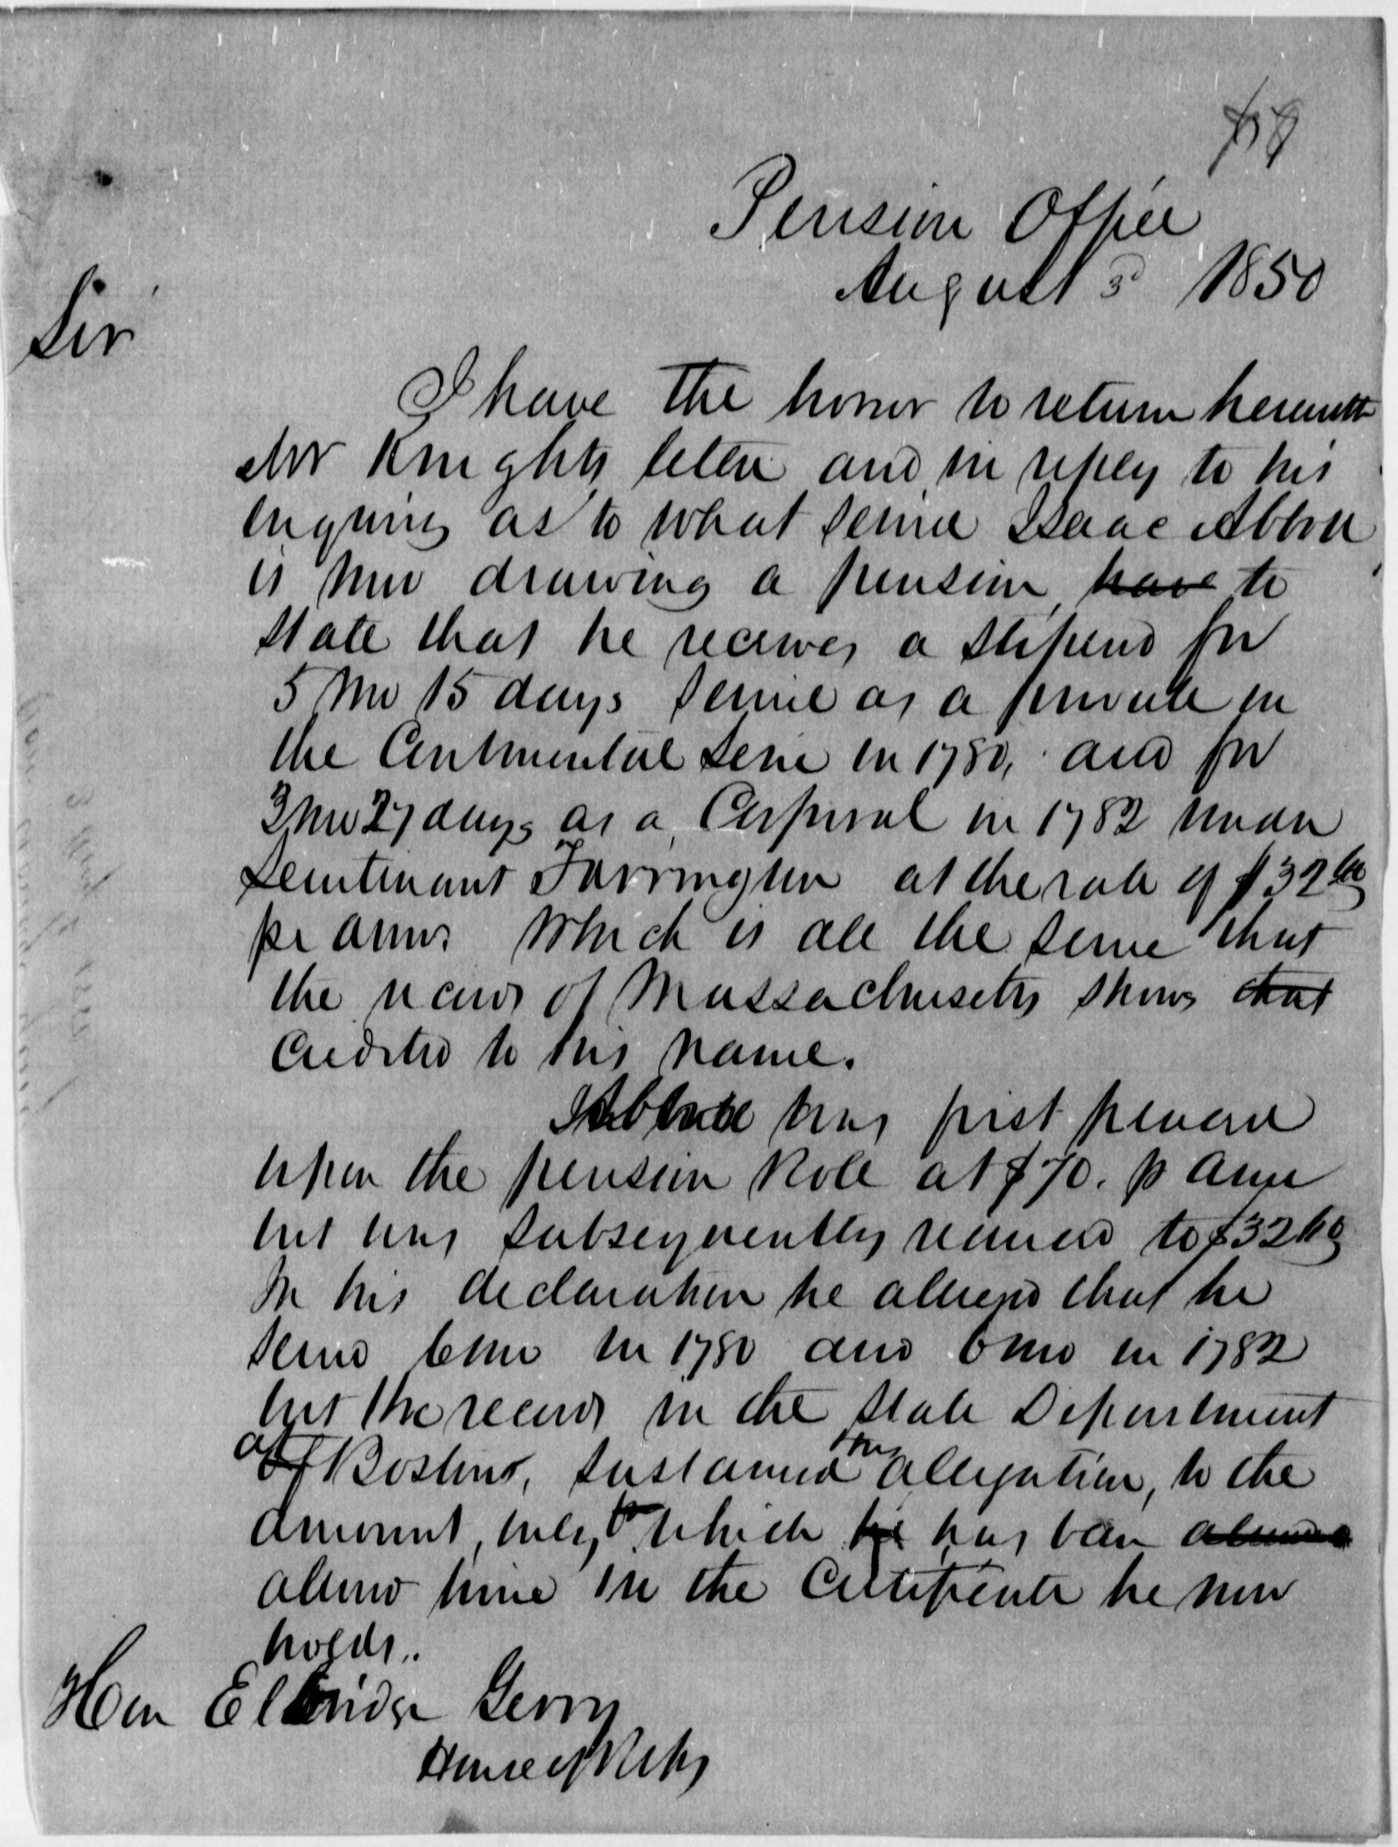Pension Office
August 3rd, 1850

Sir,
I have the honor to return hereunto Mr. Knight's letter and the reply to his inquiring as to what service Isaac Abbott is now drawing a pension to state that he receives a stipend for 5mo 15days service as a private in the Continental Service in 1780, and for 3mo 27days as a Corporal in 1782 under Lieutenant Farrington as the rate of $32.60 per annum, which is all the service that the record of Massachusetts shows credited to his name.
Abbott, was first proven when the Pension Role at $70 per annum, but was subsequently renewed to $32.60. In his declaration he [illegible] that he served 6mo in 1780 and 6mo in 1782, but records in the State Department at Boston, sustained the allegation, to the amount only for which he has been allowed time in the Certificate he now holds. 
[SIGNED: Hon. Elbridge Gerry]
House of Reps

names: Abbott, Isaac Abbott, Knight, Elbridge Gerry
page: 71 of 86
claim: survivor's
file: S 29,568, Isaac Abbot, Mass